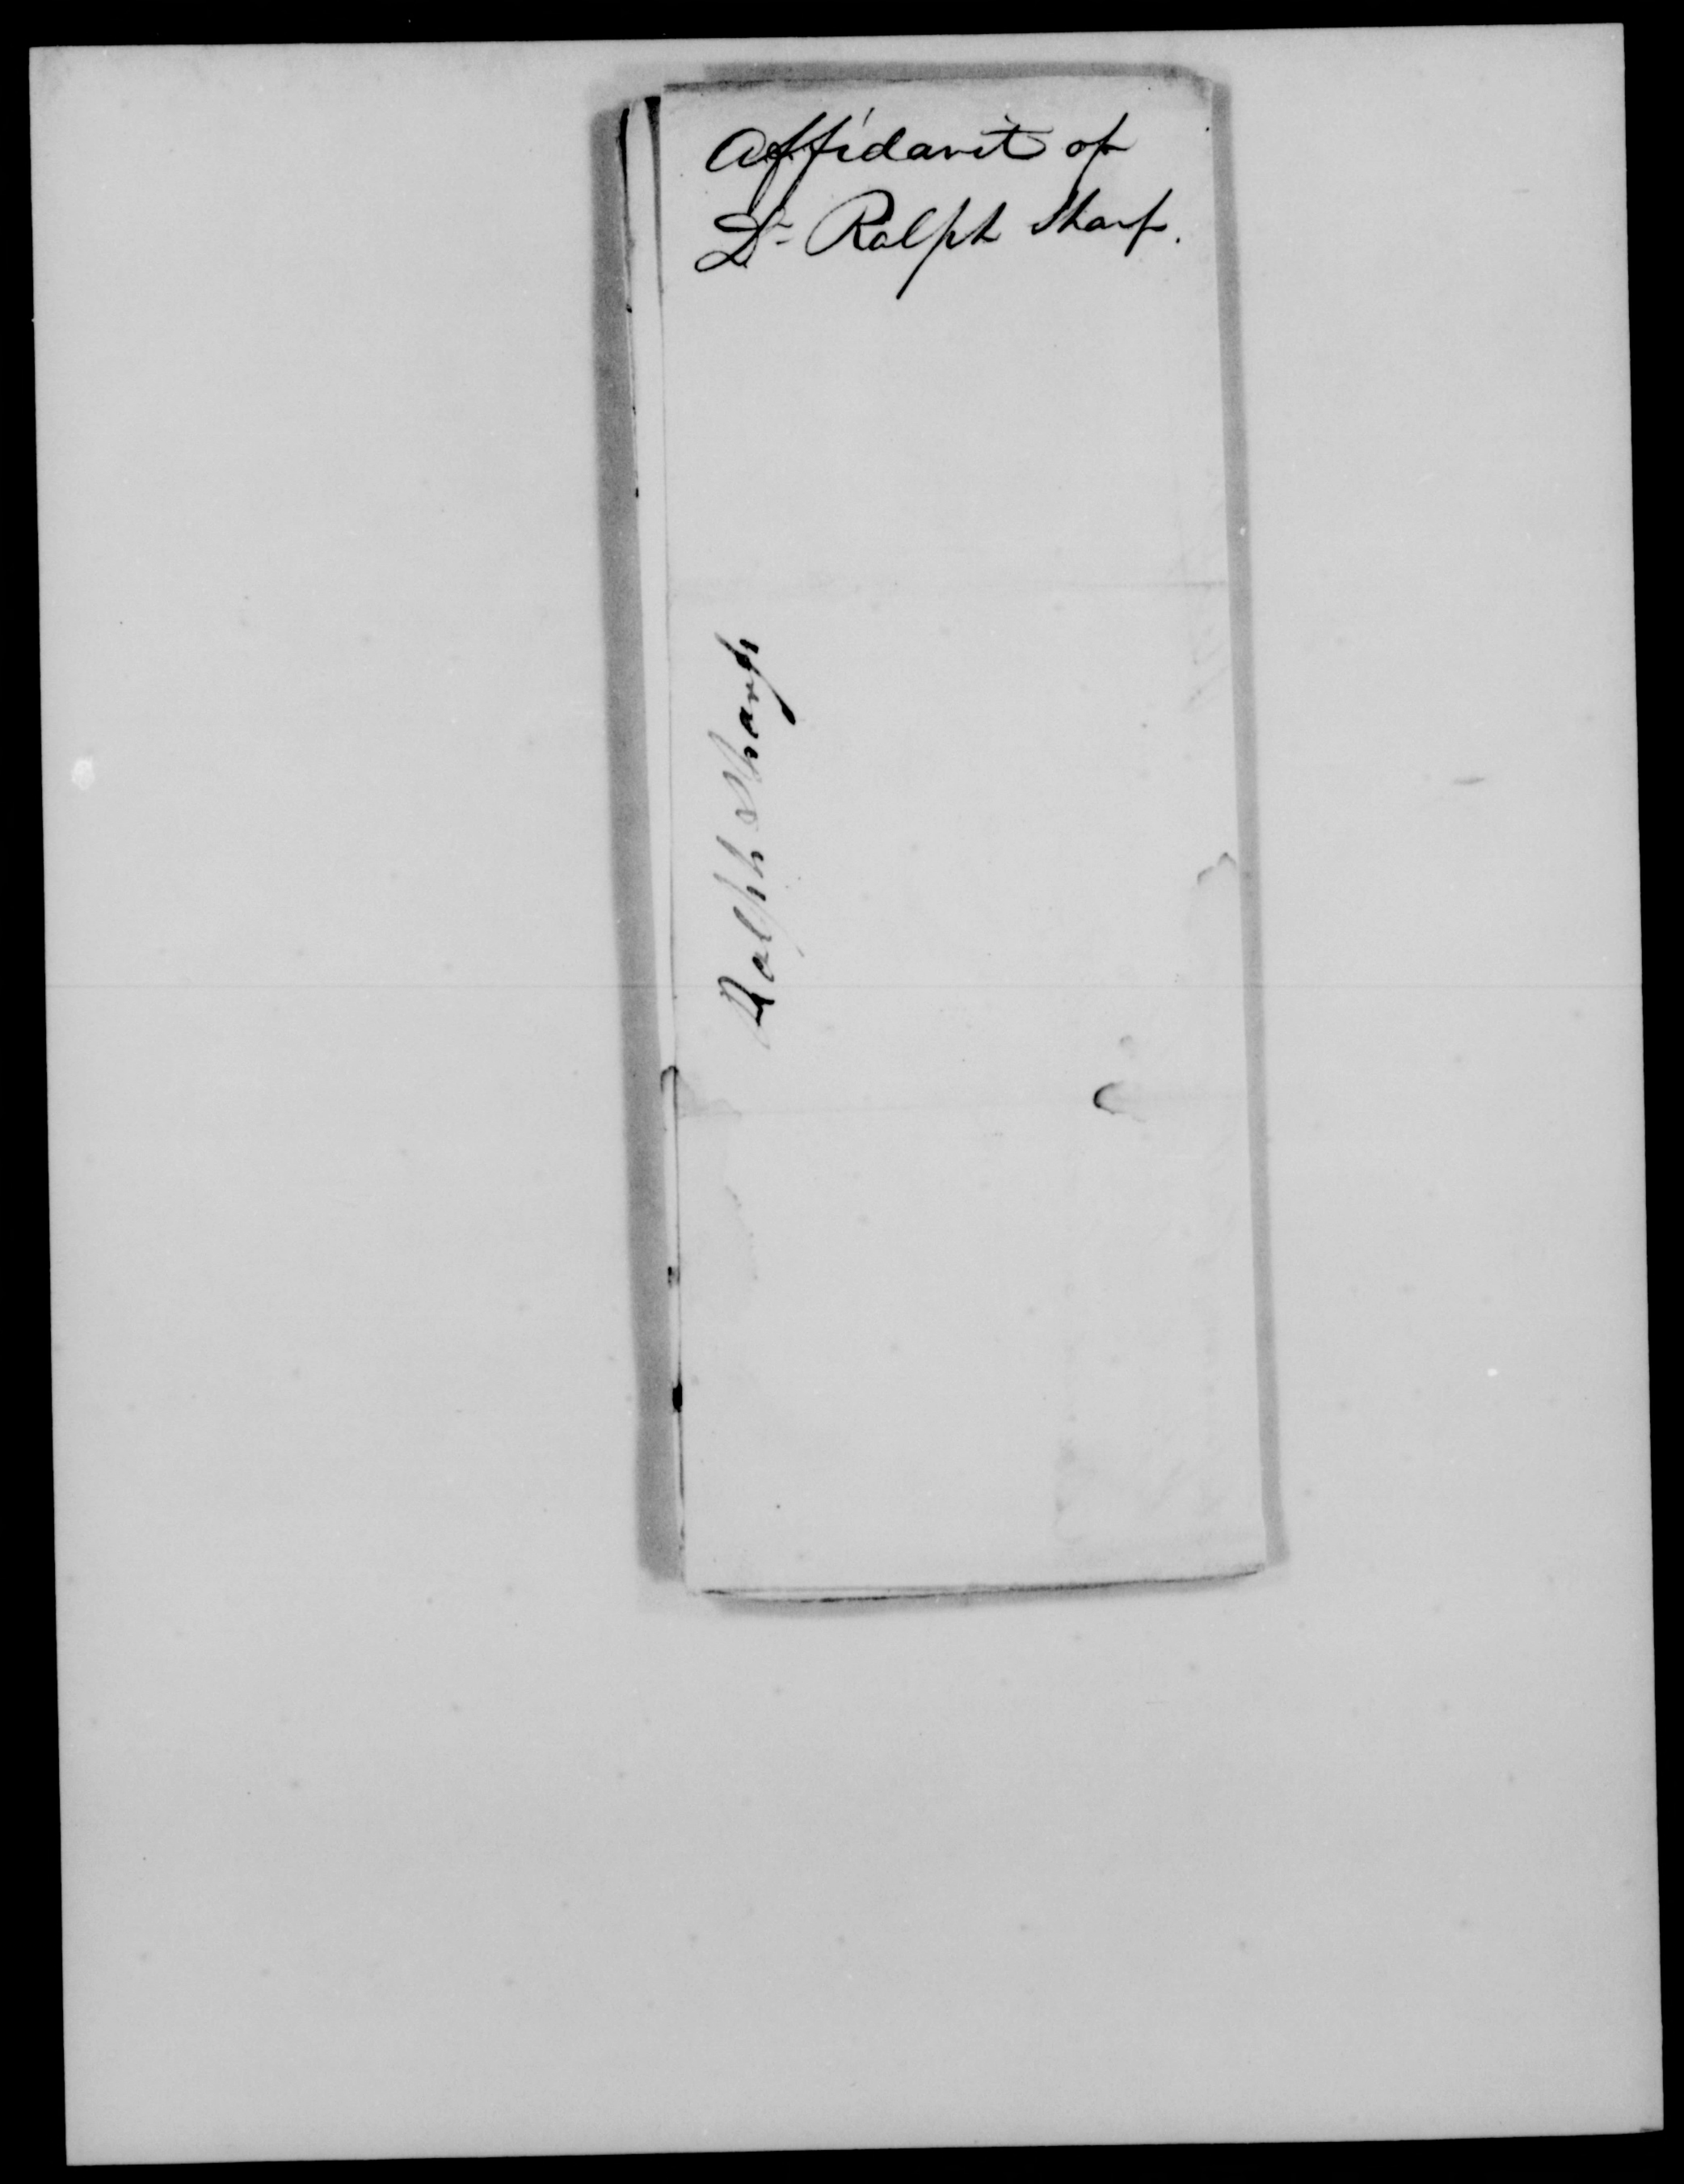Deposition of Dr. Ralph Sharp 
Ralph Sharp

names: Ralph Sharp; Ralph Sharp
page: 49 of 66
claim: survivor's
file: S 40458, for Obadiah Smith, New York